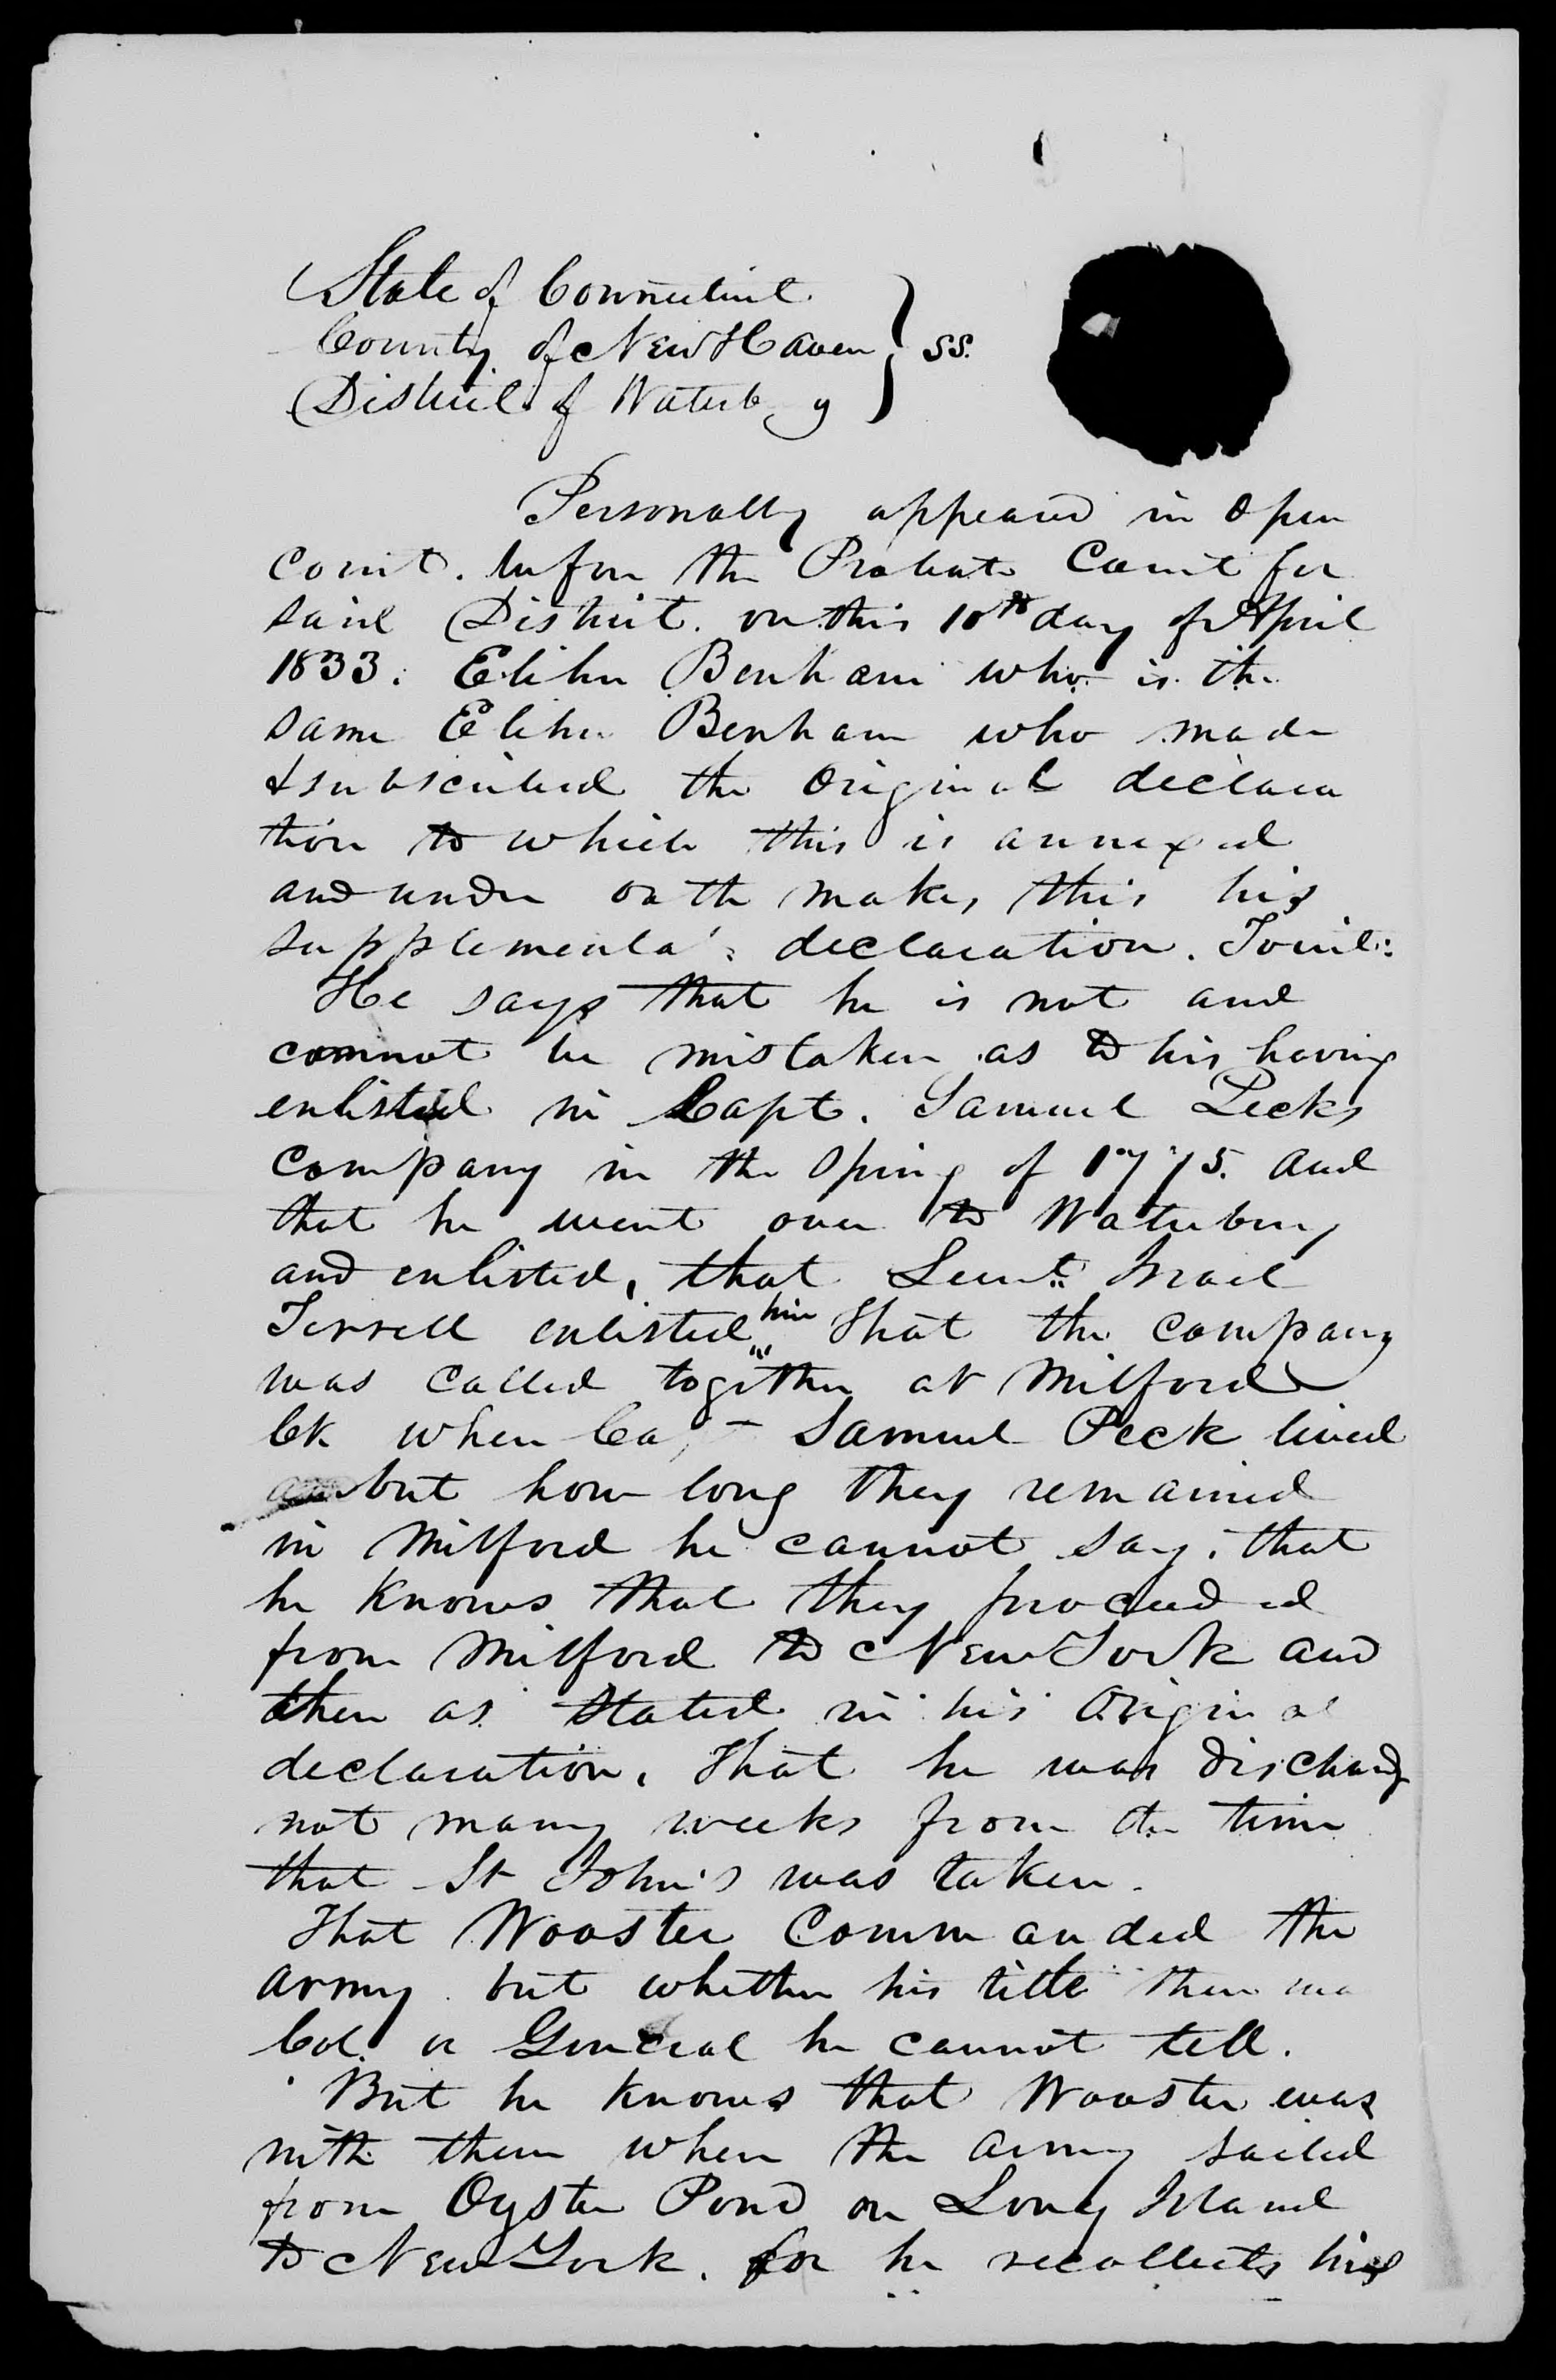State of Connecticut
County of New Haven 
District of Water} SS ●
 Personally appeared in open Court before the Probate Court for said District on this 10th day of April 1833. Elihu Benham who is the same Elihu Benham who made & subscribed the original declaration to which this is annexed and under oath make this his of supplemental declaration. Towit: He says that he is not and cannot be mistaken as to his having enlisted in Capt. Samuel Pecks Company in the spring of 1775. and that he went over to Waterbury and enlisted, that Leut. Israel Terrell enlisted him That the company was called together at Milford Ct. When Capt. Samuel Peck lived About how long they remained in Milford he cannot say that he knows that they proceeded from Milford the New York and A then as stated in his original declaration. That he was discharge not many weeks from the time that St John's was taken That Wooster commanded the army but whether his title then a Col or General he cannot tell But he knows that Wooster was with them when the army sailed from Oyster pond on Long Island to New York for he recollects his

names: Samuel Peck, Samuel Pecks, Wooster, Elihu Benham, Wooster, Israel Terrell, Elihu Benham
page: 12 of 45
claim: survivor's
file: S. 15748, Elihu Benham, Conn.